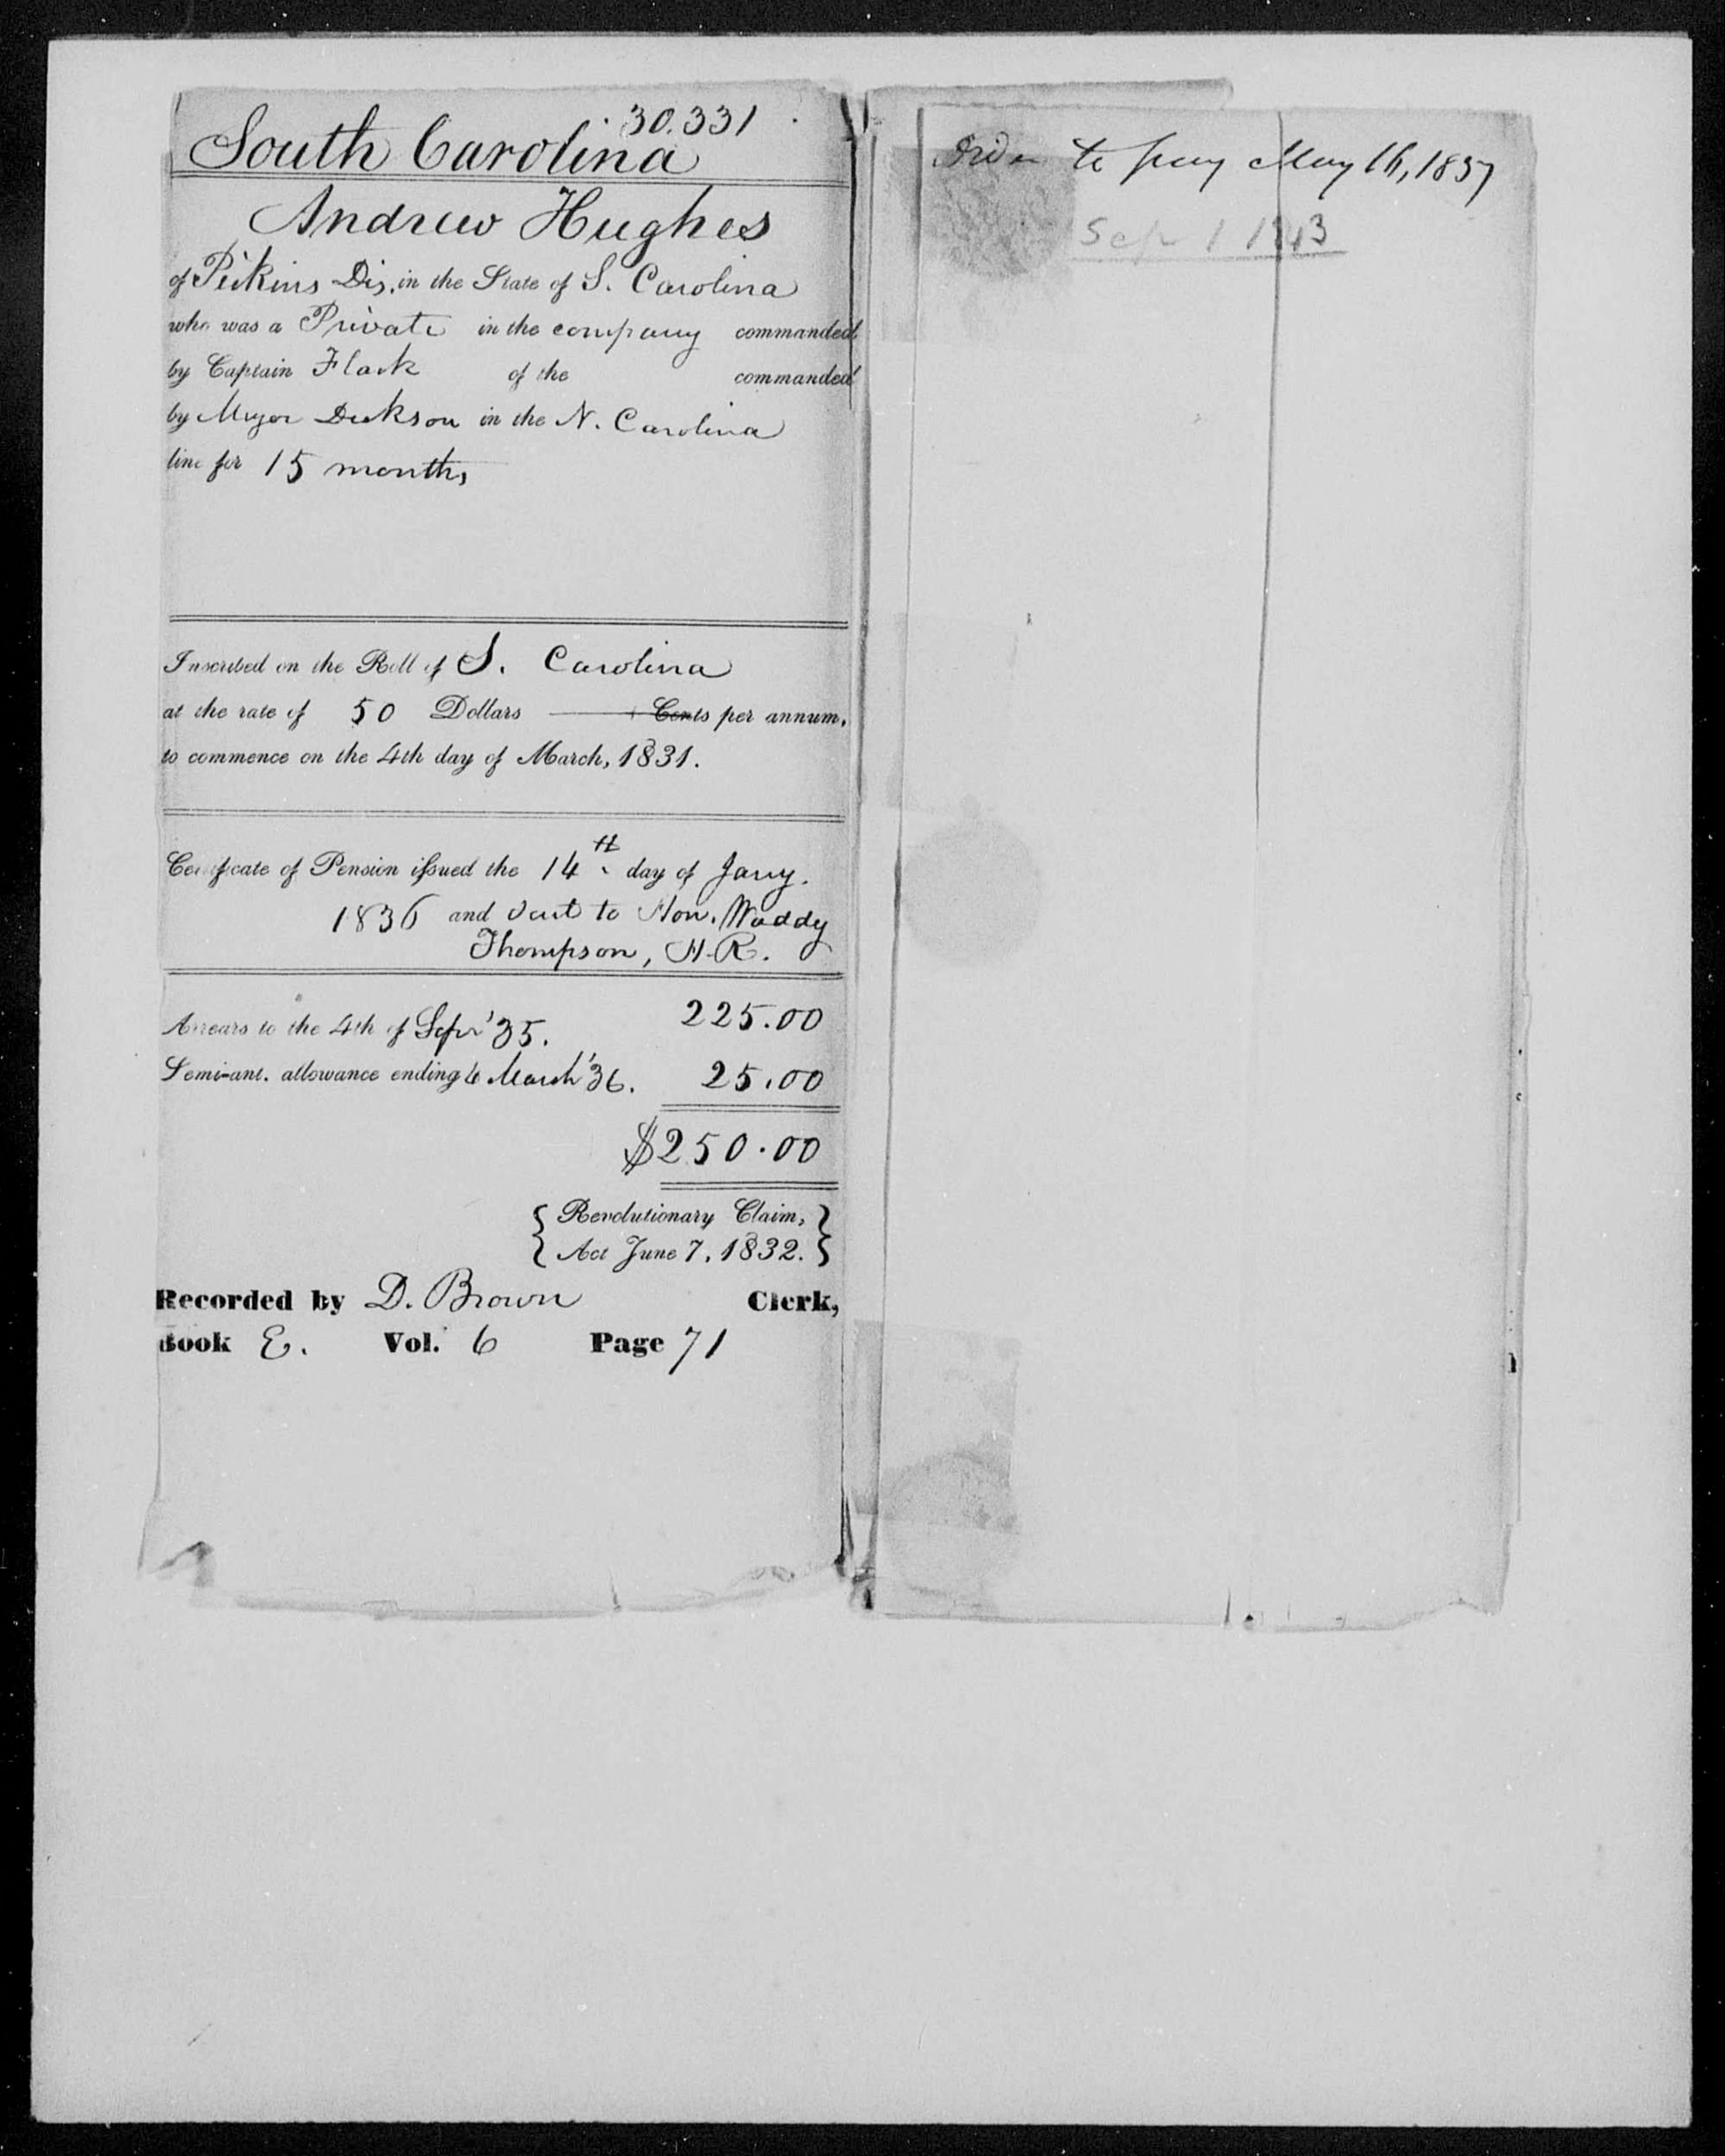30331                                               
South Carolina Andrew Hughes of Pickins Dis, in the State of S. Carolina who was a Private in the company commanded by Captain Flack of the Commanded by Major Dickson in the N. Carolina line for 15
 Inscribed on the Roll of S. Carolina at the rate of 50 Dollars - Cents per annum, to commence on the 4th day of March, 1831. 
Certificate of Pension issued the 14th day of Jany. 1836 and sent to Hon. Waddy Thompson, H. R. 
Arrears to the 4th of Sep 35                    225.00 
Semi-ant. allowance ending 6 March 36 25.00
                                                                  $250.00 Revolutionary Claim, Act June 7, 1832. 
Recorded by D. Brown                             Clerk,
Book E.       Vol. 6        Page 71

Order to pay May 16, 1837
Sep 1 1843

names: Andrew Hughes, Dickson, Waddy Thompson, Flack, D Brown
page: 4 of 75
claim: widow's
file: W. 25805, Andrew Hughes, N.C.